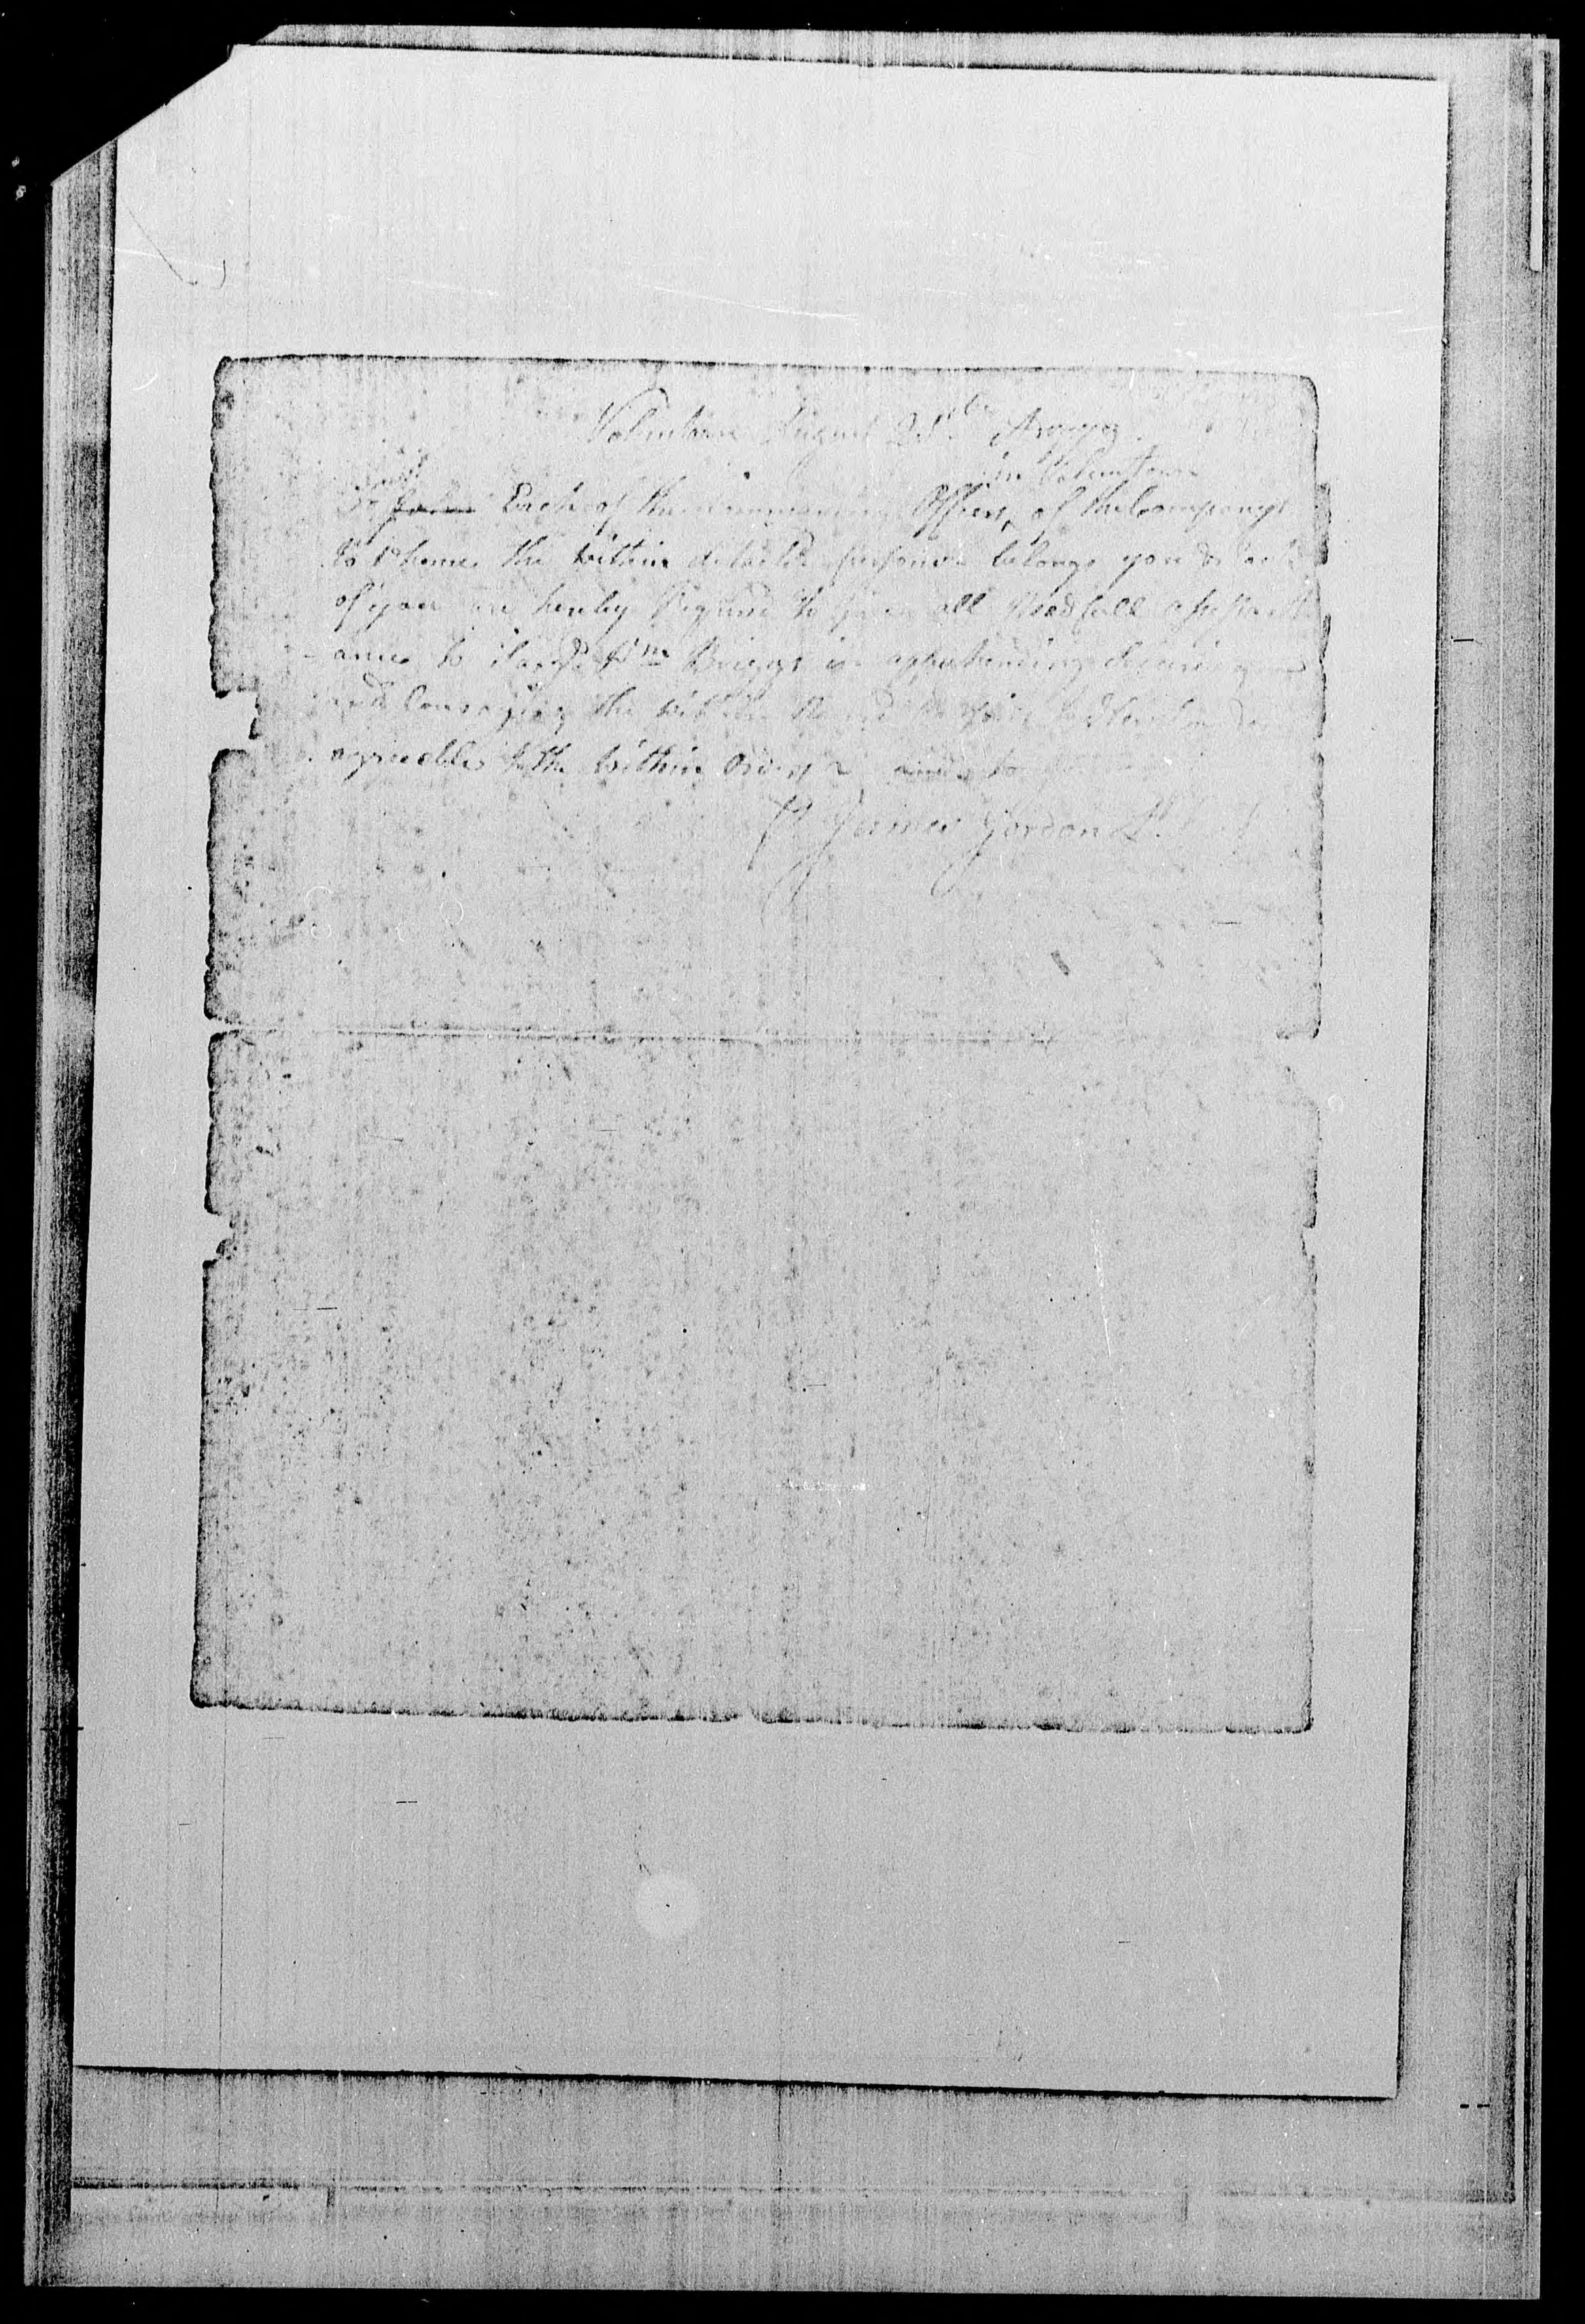Voluntown  August 28th AD 1779

[Several words faded/illegible]  in Voluntown [next two words illegible]  each of the Company Officers in Voluntown [last two words inserted] of the Company is  [illegible] the   within detailed persons belongs you & each of you are hereby .... to give all headfull  assistance  to said Wm Briggs in apprehending  [illegible] again and [illegible]  the said
[next full line is illegible/faded]
agreeable in the within Orders 
      [Signed]  [illegible] James Gordon L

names: James Gordon, Wm Briggs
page: 15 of 37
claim: survivor's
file: S. 12,281, William Briggs, Conn.